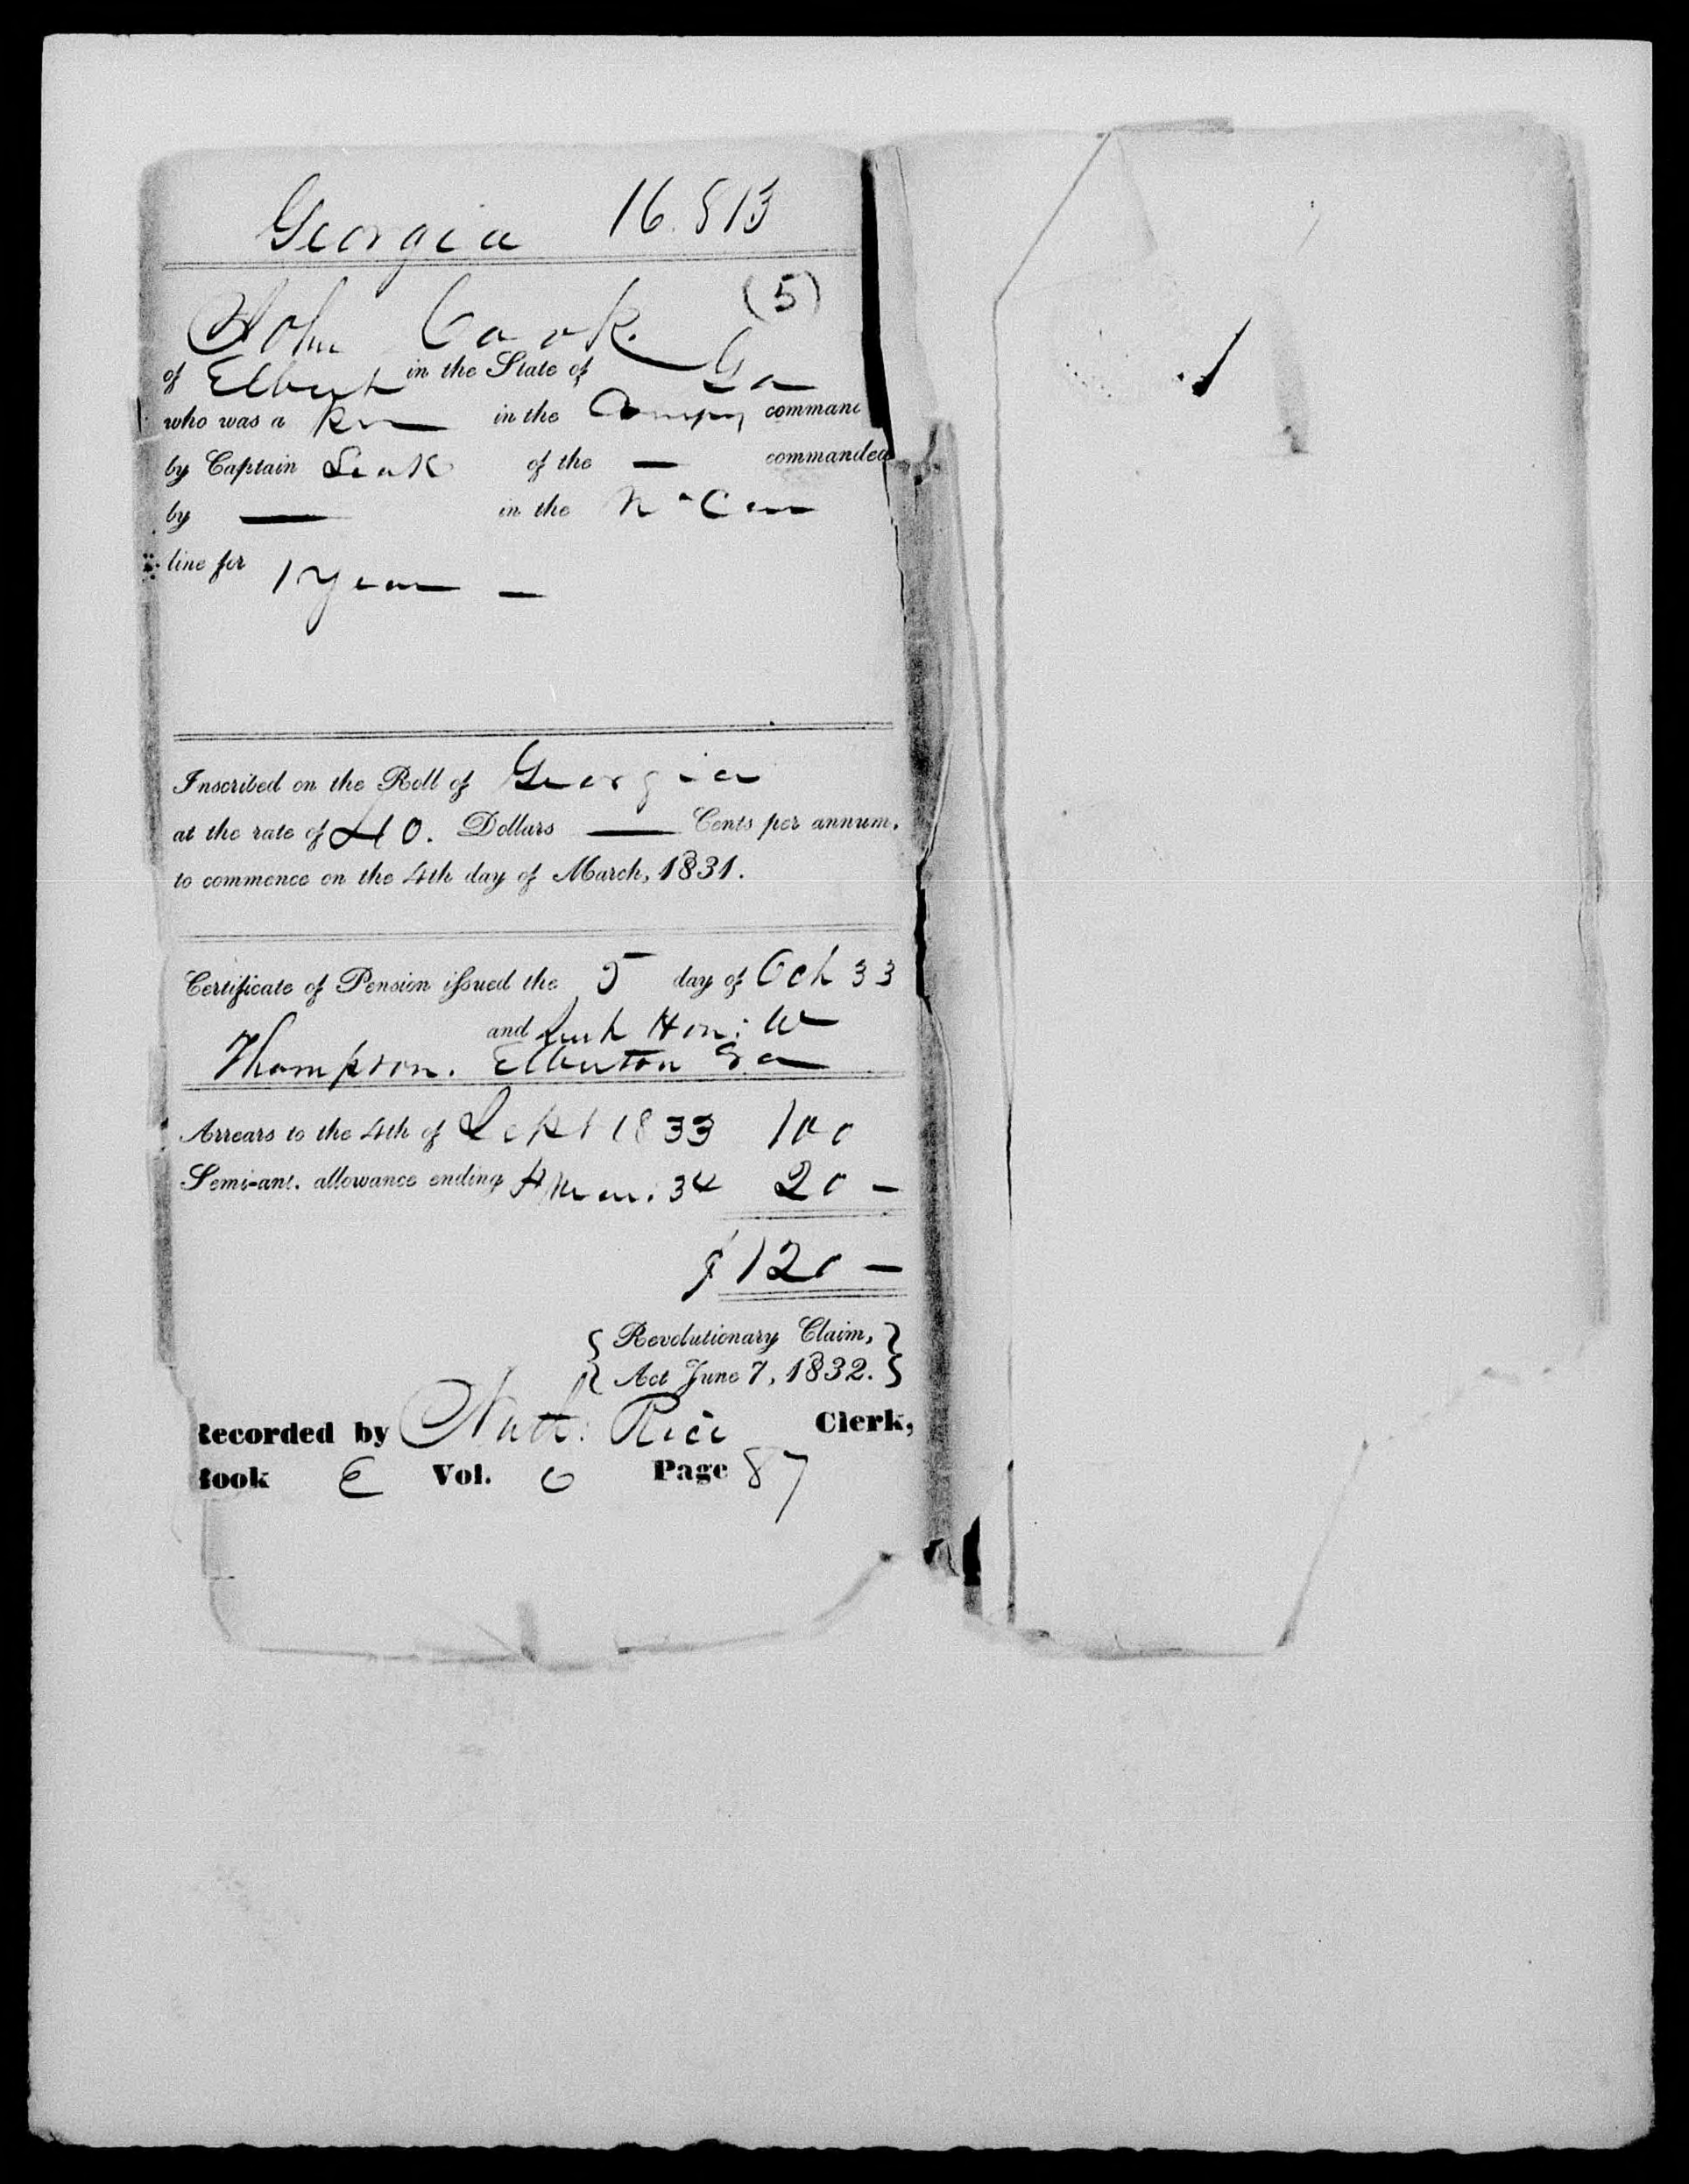Georgia   16.813
John Cook   (5)
of Elbert in the State of GA
who was a private in the company commanded by Captain Leak of the -- commaanded 
by -- in the N. Car. line for 1 year

Inscribed on the Roll of Georgia
at the rate of 40. Dollars ___ Cents per annum,
to commence on the 4th day of March 1831.

Certificate of Pension issued the 5 day of Oct 33
     and [illegible] Hon: W
Thompson. Elberton Ga

Arrears to the 4th of Sept 1833  100
Semi-anl. allowance ending 4 Mar. 34   20-
$120-
(Revolutionary Claim )
Act June 7, 1832.       )
Recorded by Nath: Rice Clerk, 
Book E Vol. 6 Page 87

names: W Thompson, Leak, John Cook, Nath Rice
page: 2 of 18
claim: survivor's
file: S. 16,343, John Cook, N.C.